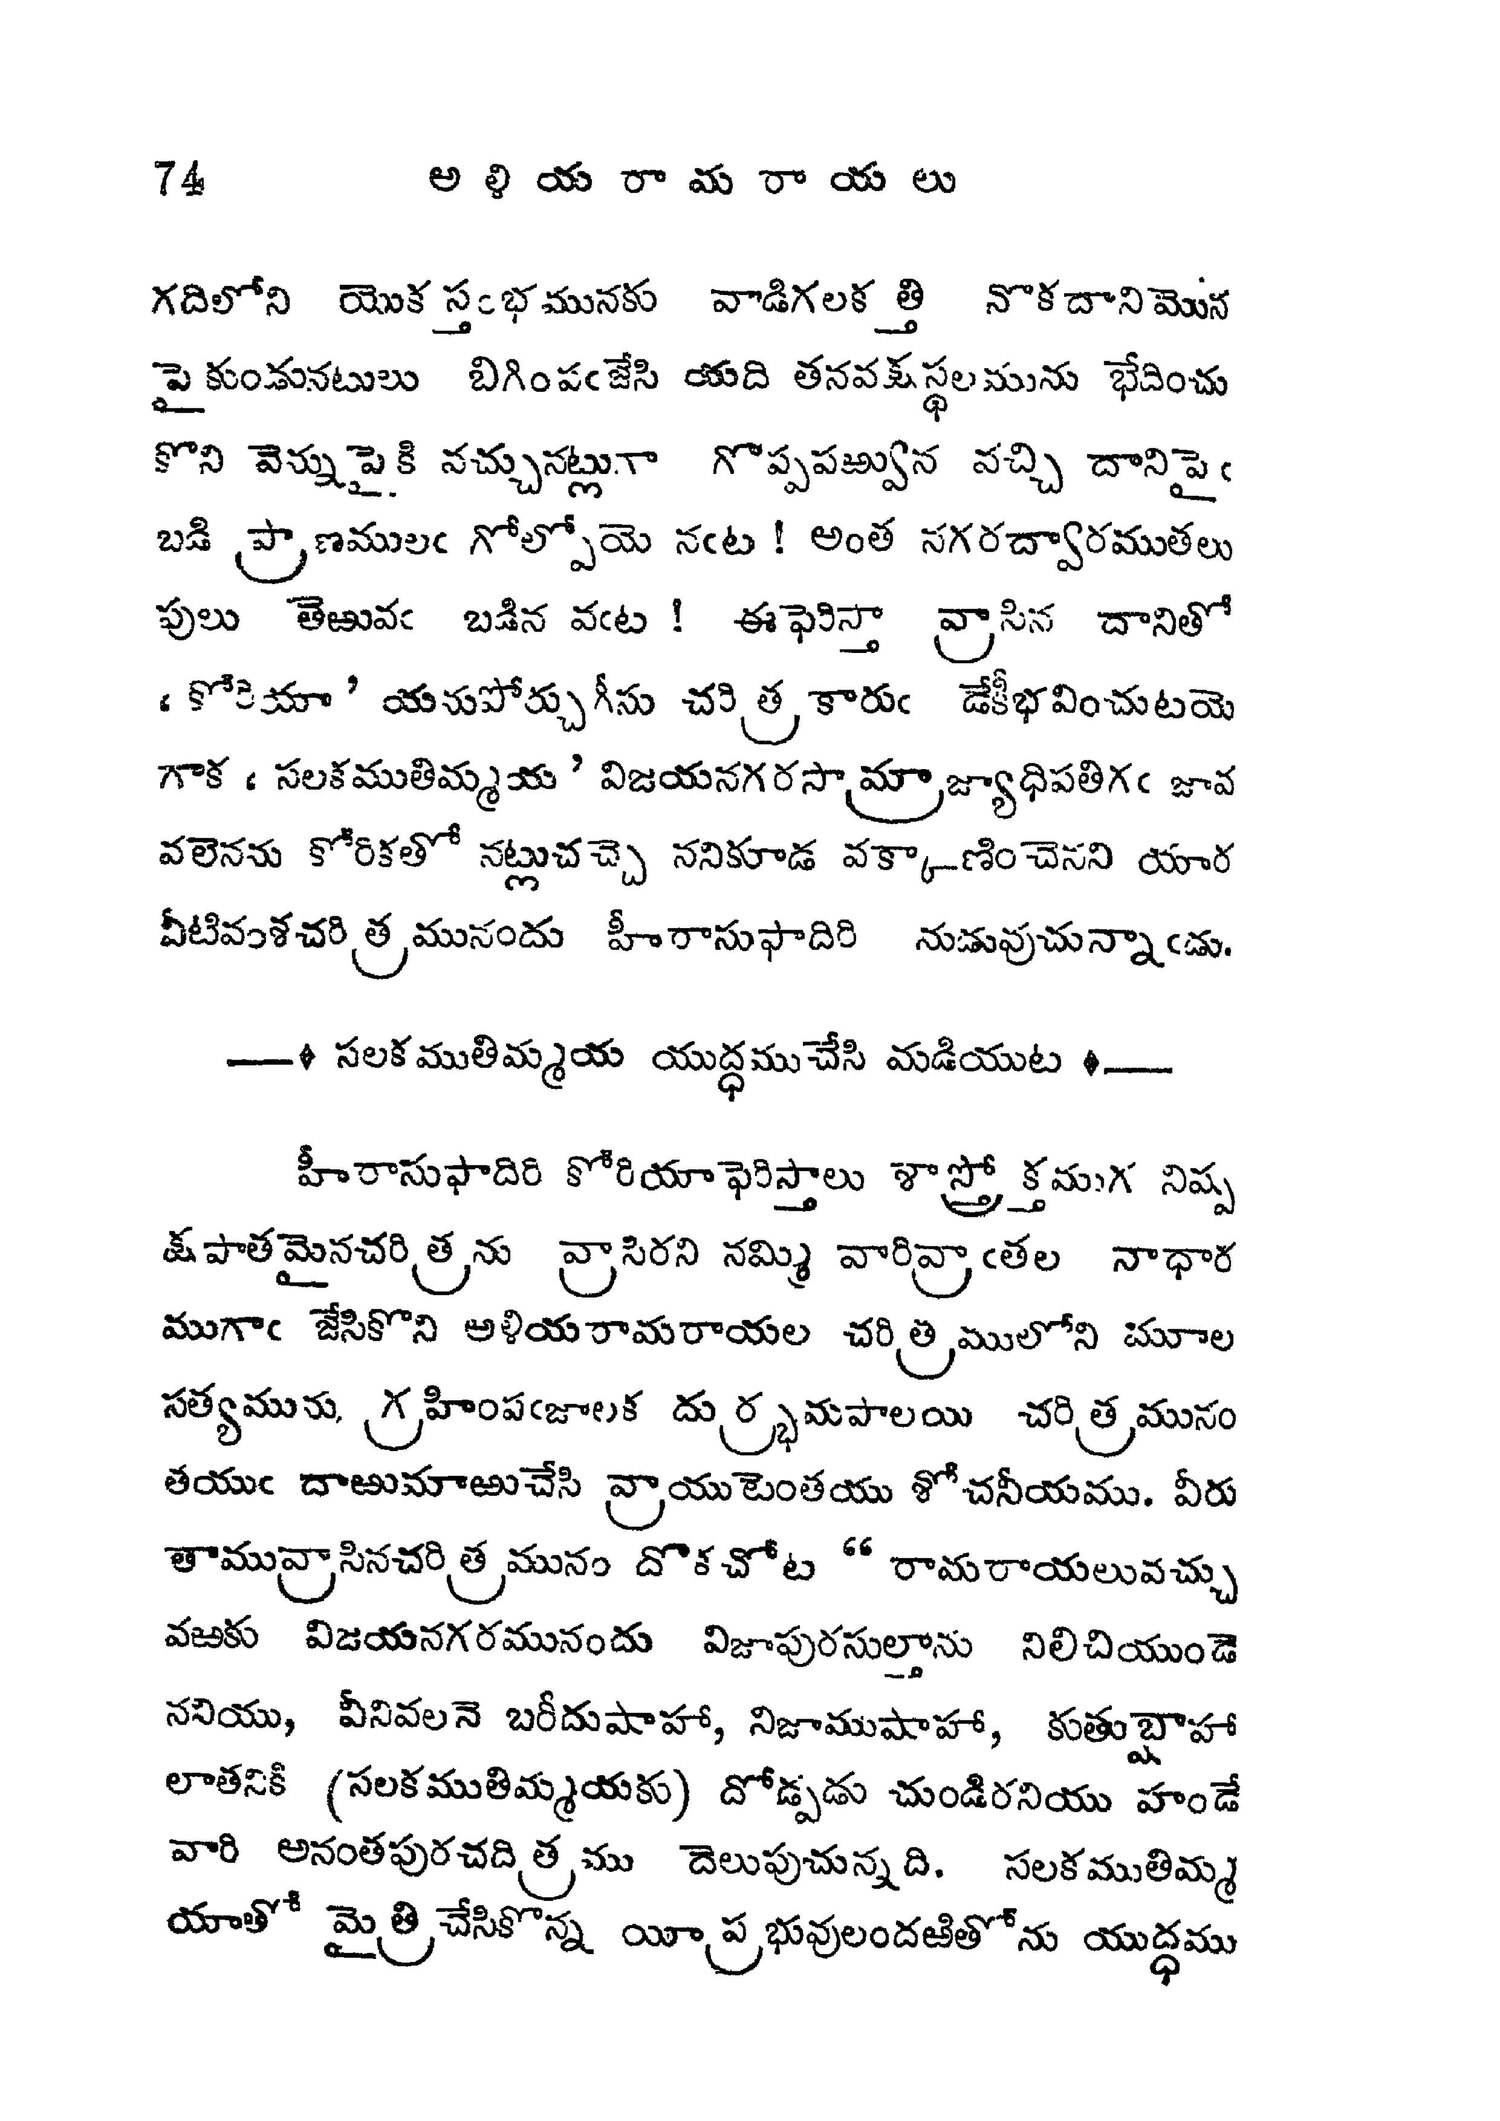గదిలోని యొకస్తంభమునకు వాడిగలకత్తి నొకదానిమొనపైకుండునటులు బిగింపజేసి యది తనవక్షస్థలమును భేదించుకొని వెన్నుపైకి వచ్చునట్లుగా గొప్పపఱ్వున వచ్చి దానిపైబడి ప్రాణముల గోల్పోయెనట! అంత నగరద్వారముతలుపులు తెఱువ బడిన వట! ఈఫెరిస్తా వ్రాసిన దానితో 'కోరియా' యనుపోర్చుగీసు చరిత్రకారు డేకీభవించుటయె గాక 'సలకముతిమ్మయ' విజయనగర సామ్రాజ్యాధిపతిగ జావవలెనను కోరికతో నట్లుచచ్చె ననికూడ వక్కాణించెనని యారవీటివంశచరిత్రము నందు హీరాసుఫాదిరి నుడువుచున్నాడు.

హీరాసుఫాదిరి కోరియాఫెరిస్తాలు శాస్త్రోక్తముగ నిష్పక్షపాతమైనచరిత్రను వ్రాసిరని నమ్మి వారివ్రాతల నాధారముగా జేసికొని అళియరామరాయల చరిత్రములోని మూలసత్యమును గ్రహింపజాలక దుర్ర్భమపాలయి చరిత్రమునంతయు దాఱుమాఱుచేసి వ్రాయుటెంతయు శోచనీయము. వీరు తామువ్రాసినచరిత్రమునం దొకచోట "రామరాయలువచ్చు వఱకు విజయనగరమునందు విజాపురసుల్తాను నిలిచియుండెననియు, వీనివలనె బరీదుషాహా, నిజాముషాహా, కుతుబ్షాహా లాతనికి (సలకముతిమ్మయకు) దోడ్పడు చుండిరనియు హండేవారి అనంతపురచరిత్రము దెలుపుచున్నది. సలకముతిమ్మయాతో మైత్రిచేసికొన్న యీప్రభువులందఱితోను యుద్ధము